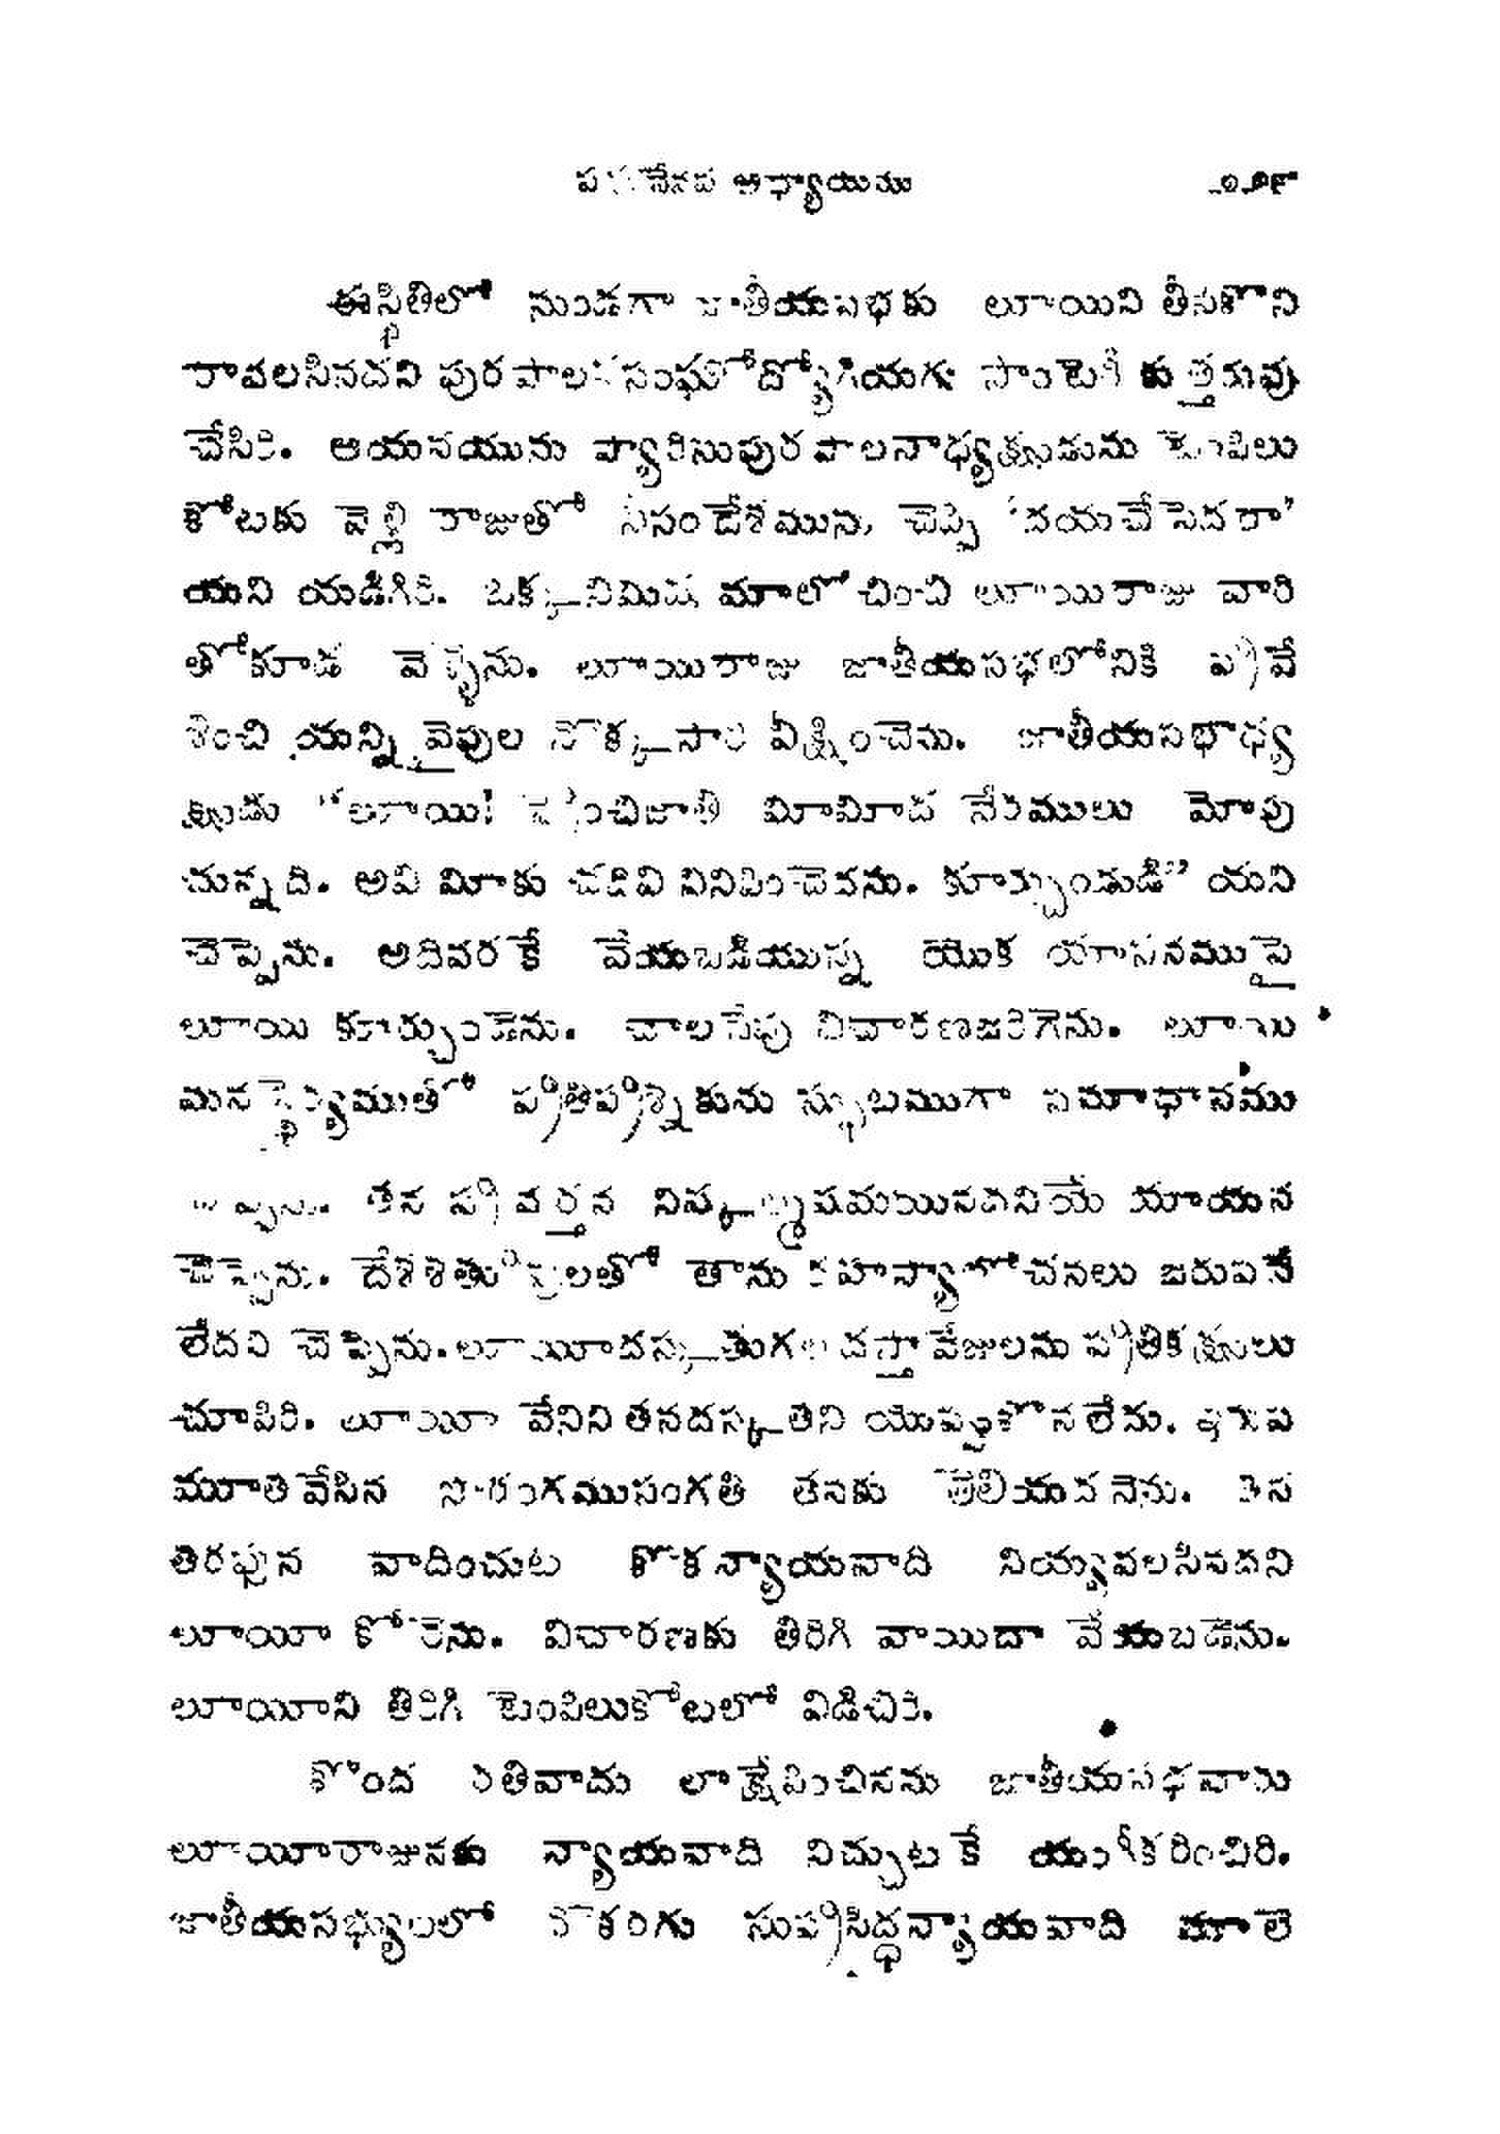ఈ స్థితిలో నుండగా జాతీయసభకు లూయిని తీసుకొని
రావలసినదని పురపాలక సంఘద్యోగి యగు సాంటెరీ నీ కుత్తరుపు
చేసిరి. ఆయనయును ప్యారిసుపుర పాలనాధ్య కుడును టెంపిలు
కోటకు వెళ్లి రాజుతో నీసం దేశమును, చెప్పి 'దయచేసెదరా'
యని యడిగిరి. ఒక్క నిమిషం మాలోసించి లూయి రాజు వారి
తోకూడ వెళ్ళెను. లూయీ రాజు జాతీయ సభలోనికి ప్రవే
శించి యన్ని వైపుల నొక్కసారి వీక్షించెను. జాతీయ సభాధ్య
క్షుడు లూయి... ఫ్రెంచి జాతి మీమీద నేరములు మోపు
చున్నది. అవి మీకు చదివి వినిపించెదను. కూచ్చుండీ" యని
చెప్పెను. అదివరకే వేయబడి యున్న యొక యాసనము పై
లూయి కూర్చుండెను. చాల సేపు విచారణజరిగెను. లూయీ
మన స్తైర్యముతో ఈ ప్రతిప్రశ్నకును స్పుటముగా సమాధానము
చెప్పెను.. తన ప్రవర్తన నిష్కల్మషమయినదనియే యాయన
చెప్పెను. దేశ శతృపులతో తాను రహస్యాలోచనలు జరుప నే
లేదని చెప్పెను. లూయీ దస్కతు గల దవస్తా వేజులను ప్రతిపక్షులు
చూపిరి. లూయీ వేనిని తనదస్కతని యెప్పు కొనలేదు. ఇనుప
మూత వేసిన సురంగము సంగతి తనకు తెలియదనెను. తస
తరఫున వాదించుట కొక న్యాయవాది నియ్యవలసినదని
లూయీ కోరెను. విచారణకు తిరిగి వాయిదా వేయబడెను.
లూయీని తిరిగి టెంపిలు కోటలో విడిచి.

అతివాదు లా క్షేపించినను జాతీయ సభవారు
లూయీరాజునకు న్యాయవాది నిచ్చుటకే యంగీక రించిరి.
జాతీయ సభ్యులలో నొకరగు సుప్రసిద్ధ న్యాయవాది మాలే
.